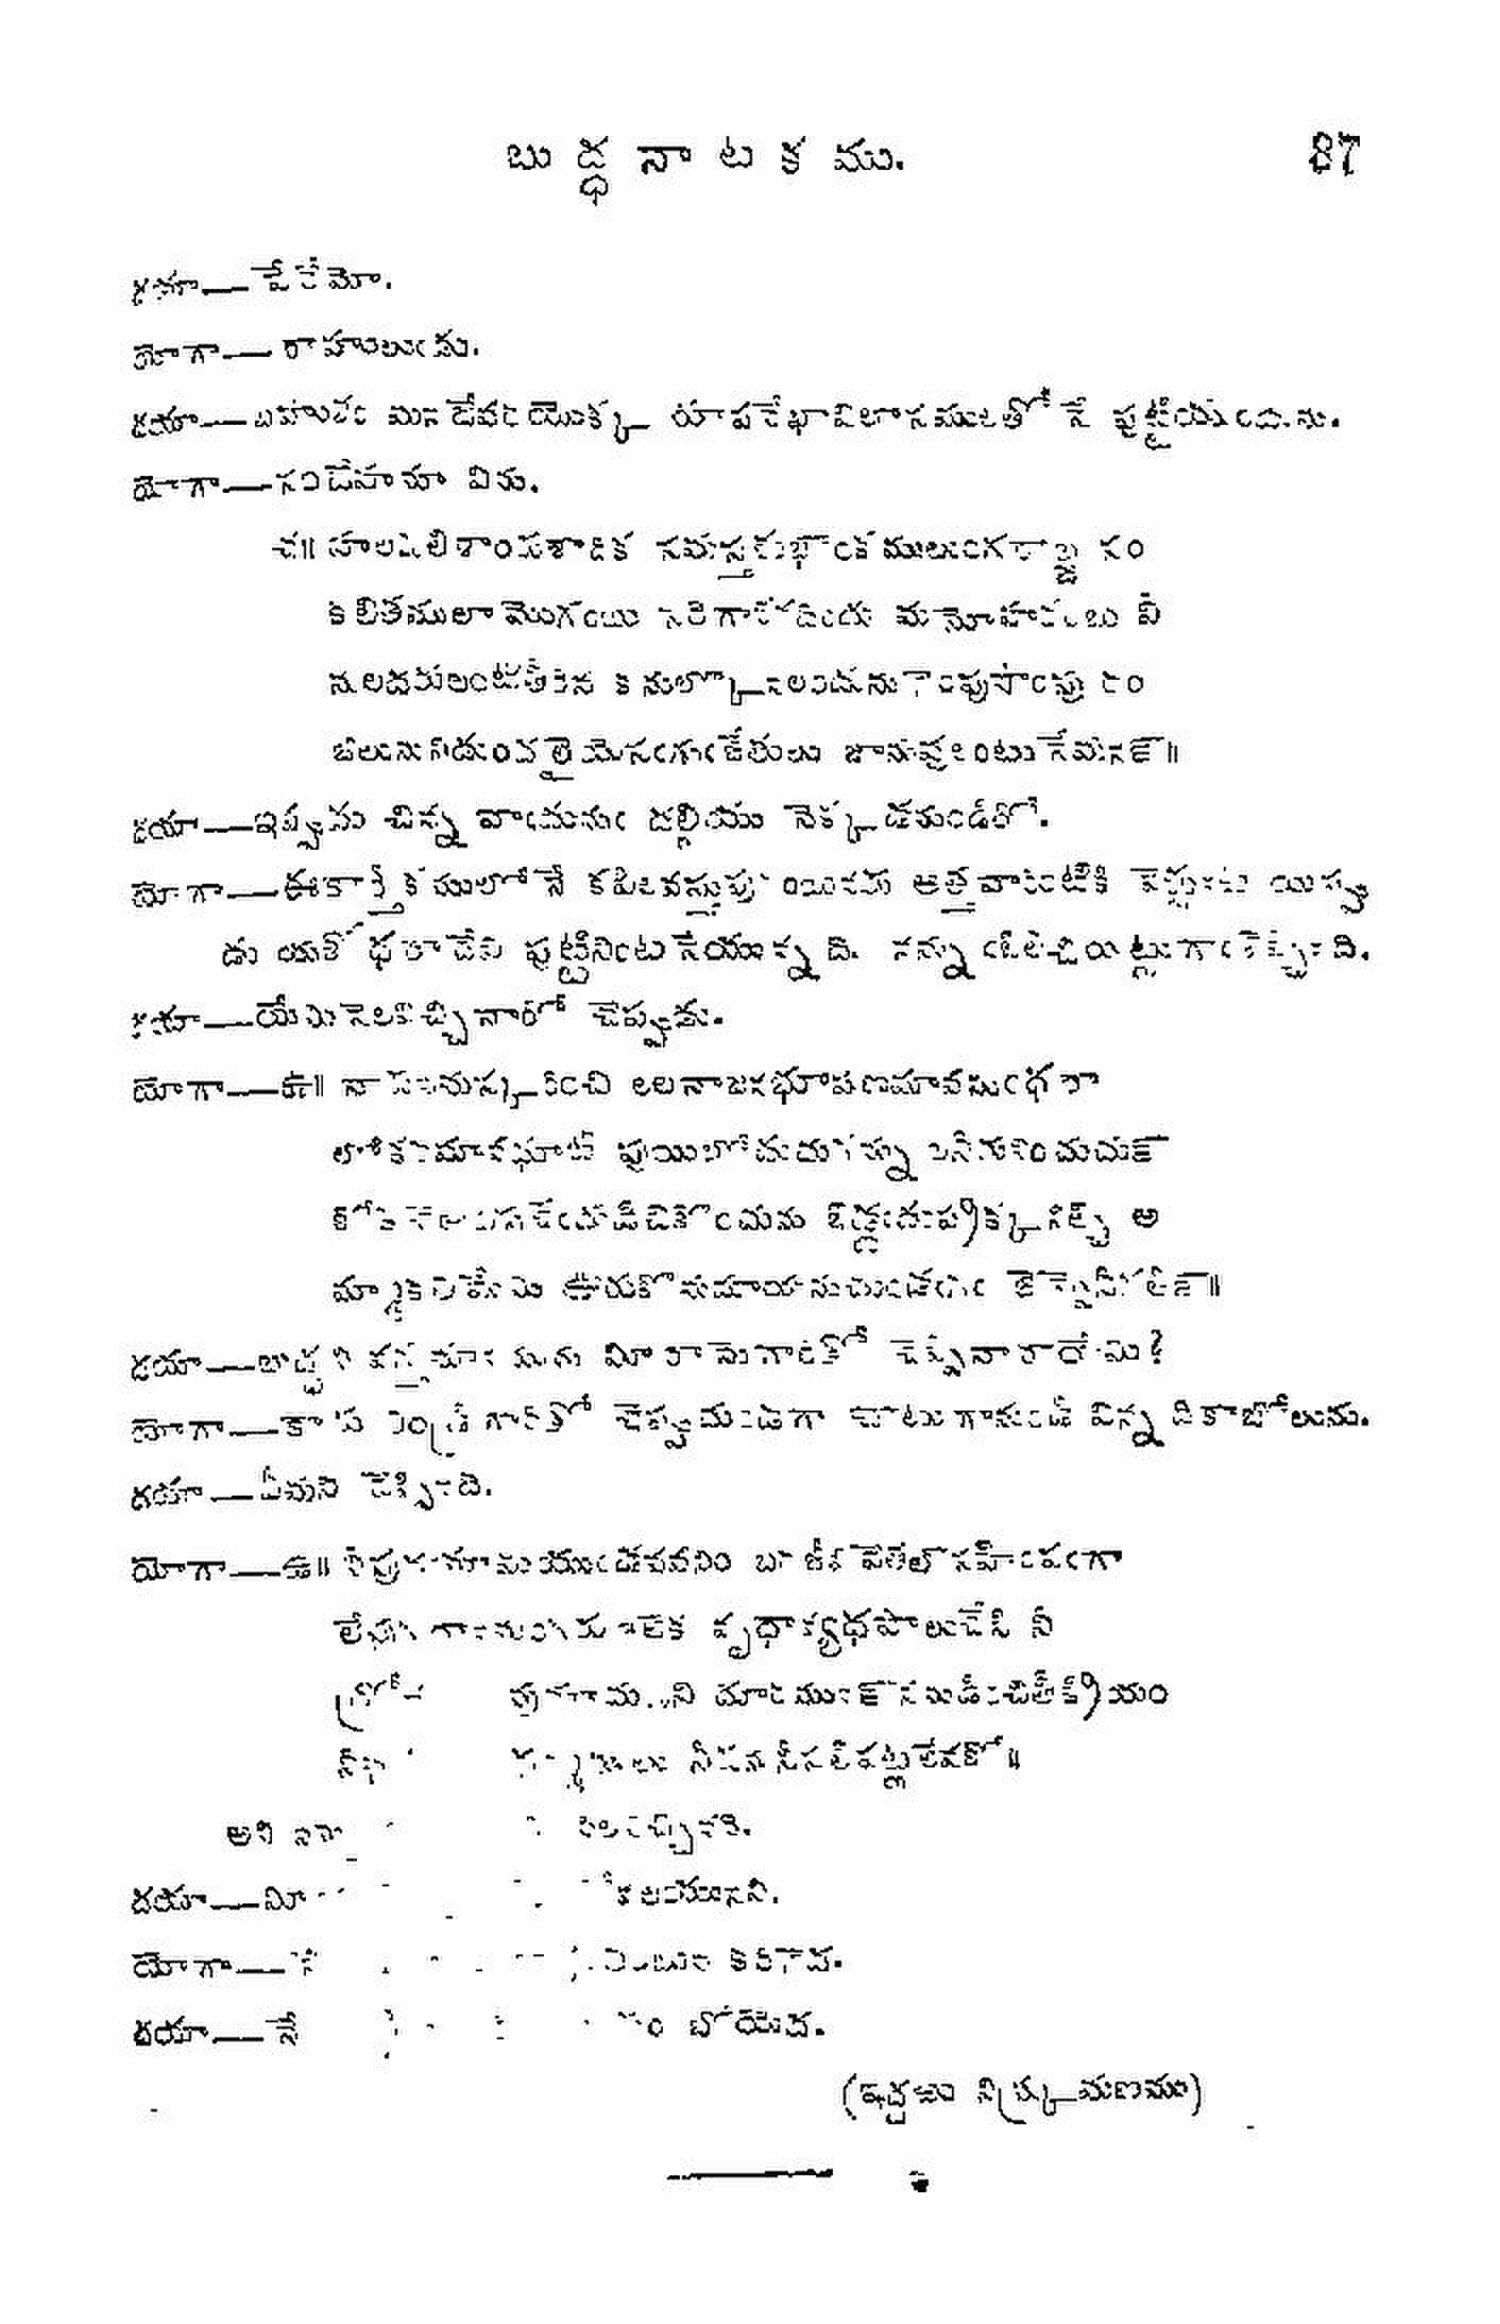దయ - పేరేమో 

యోగా - రాహులుఁడు.

దయా - బహుళం మనదేవరయొక్క రూపరేఖావిలాసములతోనే పుట్టియుండును. 

యోగా - సందేహమా విను.

చ॥హలమలిశాంకుశాదిక సమస్తశుభాంశకములుంగశాజ్జ సం 
కలితములా మొగంబు సరిగాశరదిందు మమోహరంబు 
నలదురులంటితీరిన కనుల్కొనలందునుగెంపుసాంపు రం
జిలునునిడుందలైయెసంగుఁజేతులు జణువులంటూ నెమన౯  

దయా - ఇప్పుడు చిన్నవాఁదునుఁ దల్లియు నెక్కడనుండిరోలో.

యోగా - ఈకార్తీకములోనే కపిలివస్తుపురంబునకు అత్తవారింటికి వెళ్లుచు యిప్పుడు యశోధరాదేవి పుట్టినింటనేయున్నది. నన్ను 
పిలిచియిట్లుగాఁ చెప్పింది. 

దయా - యేమిసెలవొచ్చినారో చెప్పుడు.

యోగా - ఉ॥ నాకునమస్కరించి లలనాజనభూషణమావసుంధరా 
లోకరిమానధూట్ పుయిలోదుదుగన్నులసీమనించుచు౯ 
కోతచెఱదగులేఁడవచించుము బిడ్డఁదుపక్కనిల్చి అ
మ్మాకలిమేమి ఊరుకొనుచూచుచుండఁగఁ జెప్పేదిగతి౯॥

దయా - బుద్ధుని వర్తమానమును మిరామెగారితో చెప్పినారాయేమి?

యోగా - కాదు తండ్రిగారితో చెప్పుచుండగా చాటుగానుండి విన్నదికాబోలును.

దయా - ఏమని చెప్పింది.

యోగా - ఉ॥ నీపురమామయుండవనిం బరజీవితల్ సహింపగా 
వ్యధావ్యధపాలుచేసి నీ 
దూరమున౯ నుండి చితిక్రియం 
నిపట్లలేనికో॥ 

దయా - 

యోగా - 

దయా -